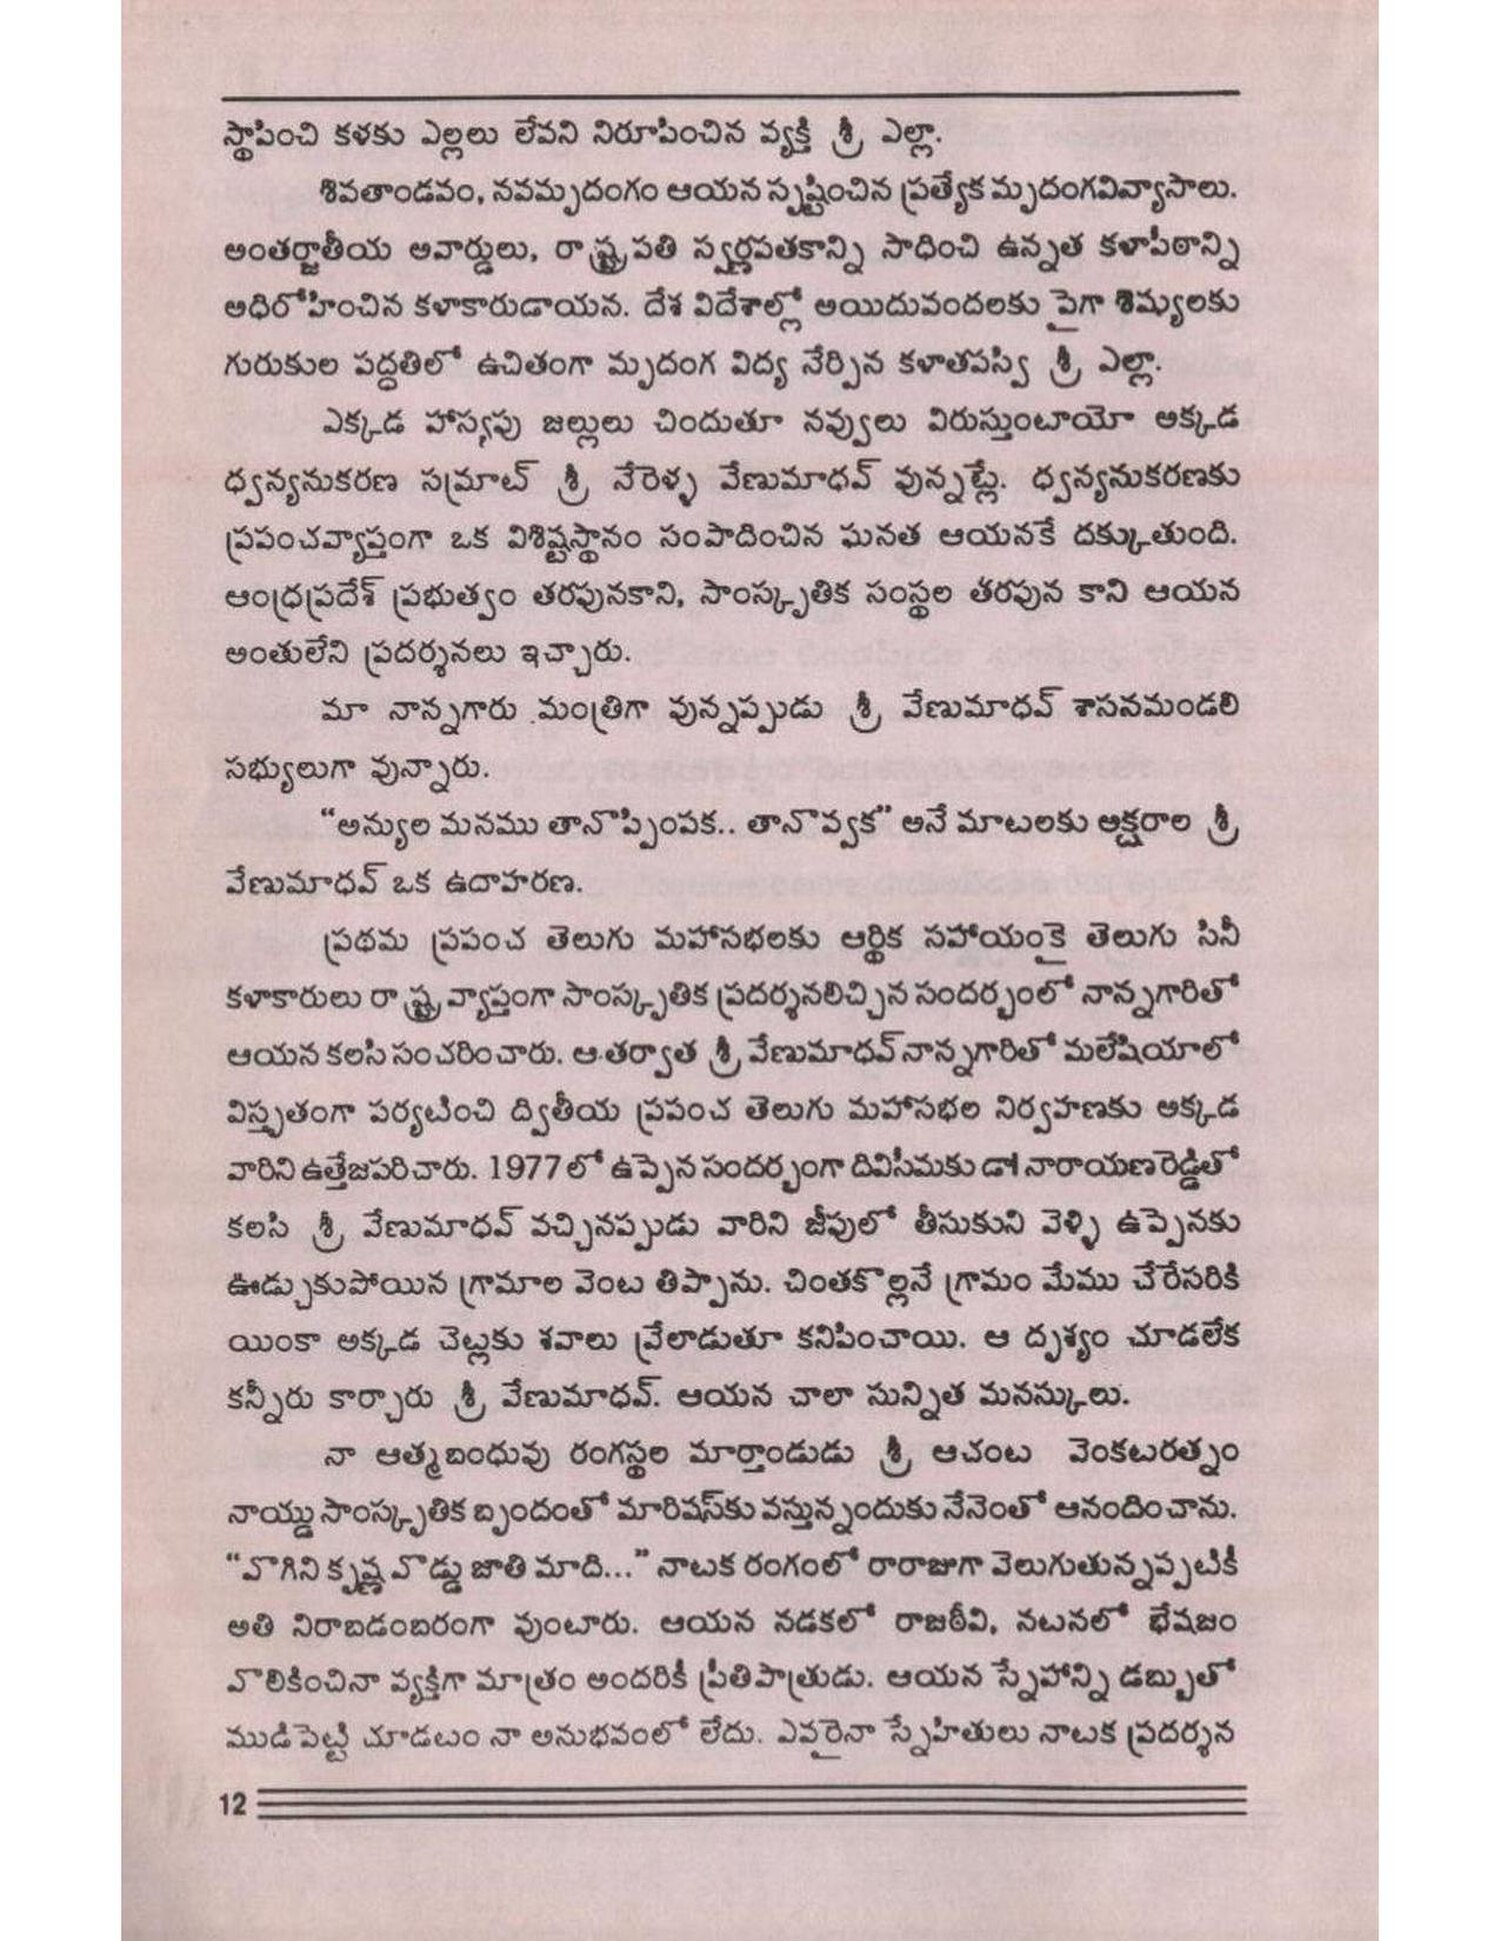స్థాపించి కళకు ఎల్లలు లేవని నిరూపించిన వ్యక్తి శ్రీ ఎల్లా.

శివతాండవం, నవమృదంగం ఆయన సృష్టించిన ప్రత్యేకమృదంగవివ్యాసాలు. అంతర్జాతీయ అవార్డులు, రాష్ట్రపతి స్వర్ణపతకాన్ని సాధించి ఉన్నత కళాపీఠాన్ని అధిరోహించిన కళాకారుడాయన. దేశ విదేశాల్లో అయిదువందలకు పైగా శిష్యులకు గురుకుల పద్దతిలో ఉచితంగా మృదంగ విద్య నేర్పిన కళాతపస్వి శ్రీ ఎల్లా.

ఎక్కడ హాస్యపు జల్లులు చిందుతూ నవ్వులు విరుస్తుంటాయో అక్కడ ధ్వన్యనుకరణ సమ్రాట్ శ్రీ నేరెళ్ళ వేణుమాధవ్ వున్నట్లే. ధ్వన్యనుకరణకు ప్రపంచవ్యాప్తంగా ఒక విశిష్టస్థానం సంపాదించిన ఘనత ఆయనకే దక్కుతుంది. ఆంధ్రప్రదేశ్ ప్రభుత్వం తరపునకాని, సాంస్కృతిక సంస్థల తరపున కాని ఆయన అంతులేని ప్రదర్శనలు ఇచ్చారు.

మా నాన్నగారు మంత్రిగా వున్నప్పడు శ్రీ వేణుమాధవ్ శాసనమండలి సభ్యులుగా వున్నారు.

"అన్యుల మనము తానొప్పింపక.. తానొవ్వక" అనే మాటలకు ఆక్షరాల శ్రీ వేణుమాధవ్ ఒక ఉదాహరణ.

ప్రథమ ప్రపంచ తెలుగు మహాసభలకు ఆర్ధిక సహాయంకై తెలుగు సినీ కళాకారులు రాష్ట్రవ్యాప్తంగా సాంస్కృతిక ప్రదర్శనలిచ్చిన సందర్భంలో నాన్నగారితో ఆయనకలసి సంచరించారు. ఆ తర్వాత శ్రీ వేణుమాధవ్ నాన్నగారితో మలేషియాలో విస్తృతంగా పర్యటించి ద్వితీయ ప్రపంచ తెలుగు మహాసభల నిర్వహణకు అక్కడ వారిని ఉత్తేజపరిచారు. 1977లో ఉప్పెన సందర్భంగా దివిసీమకు డా॥ నారాయణరెడ్డితో కలసి శ్రీ వేణుమాధవ్ వచ్చినప్పడు వారిని జీపులో తీసుకుని వెళ్ళి ఉప్పెనకు ఊడ్చుకుపోయిన గ్రామాల వెంట తిప్పాను. చింతకొల్లనే గ్రామం మేము చేరేసరికి యింకా అక్కడ చెట్టకు శవాలు వ్రేలాడుతూ కనిపించాయి. ఆ దృశ్యం చూడలేక కన్నీరు కార్చారు శ్రీ వేణుమాధవ్ ఆయన చాలా సున్నిత మనస్కులు.

నా ఆత్మబంధువు రంగస్థల మార్తాండుడు శ్రీ ఆచంట వెంకటరత్నం నాయ్డుసాంస్కృతిక బృందంతో మారిషస్‌కువస్తున్నందుకు నేనెంతో ఆనందించాను. "వొగిని కృష్ణ బొడ్డు జాతి మాది." నాటక రంగంలో రారాజుగా వెలుగుతున్నప్పటికీ అతి నిరాబడంబరంగా వుంటారు. ఆయన నడకలో రాజఠీవి, నటనలో భేషజం మౌలికించినా వ్యక్తిగా మాత్రం అందరికీ ప్రీతిపాత్రుడు. ఆయన స్నేహాన్ని డబ్బుతో ముడిపెట్టి చూడటం నా అనుభవంలో లేదు. ఎవరైనా స్నేహితులు నాటక ప్రదర్శన